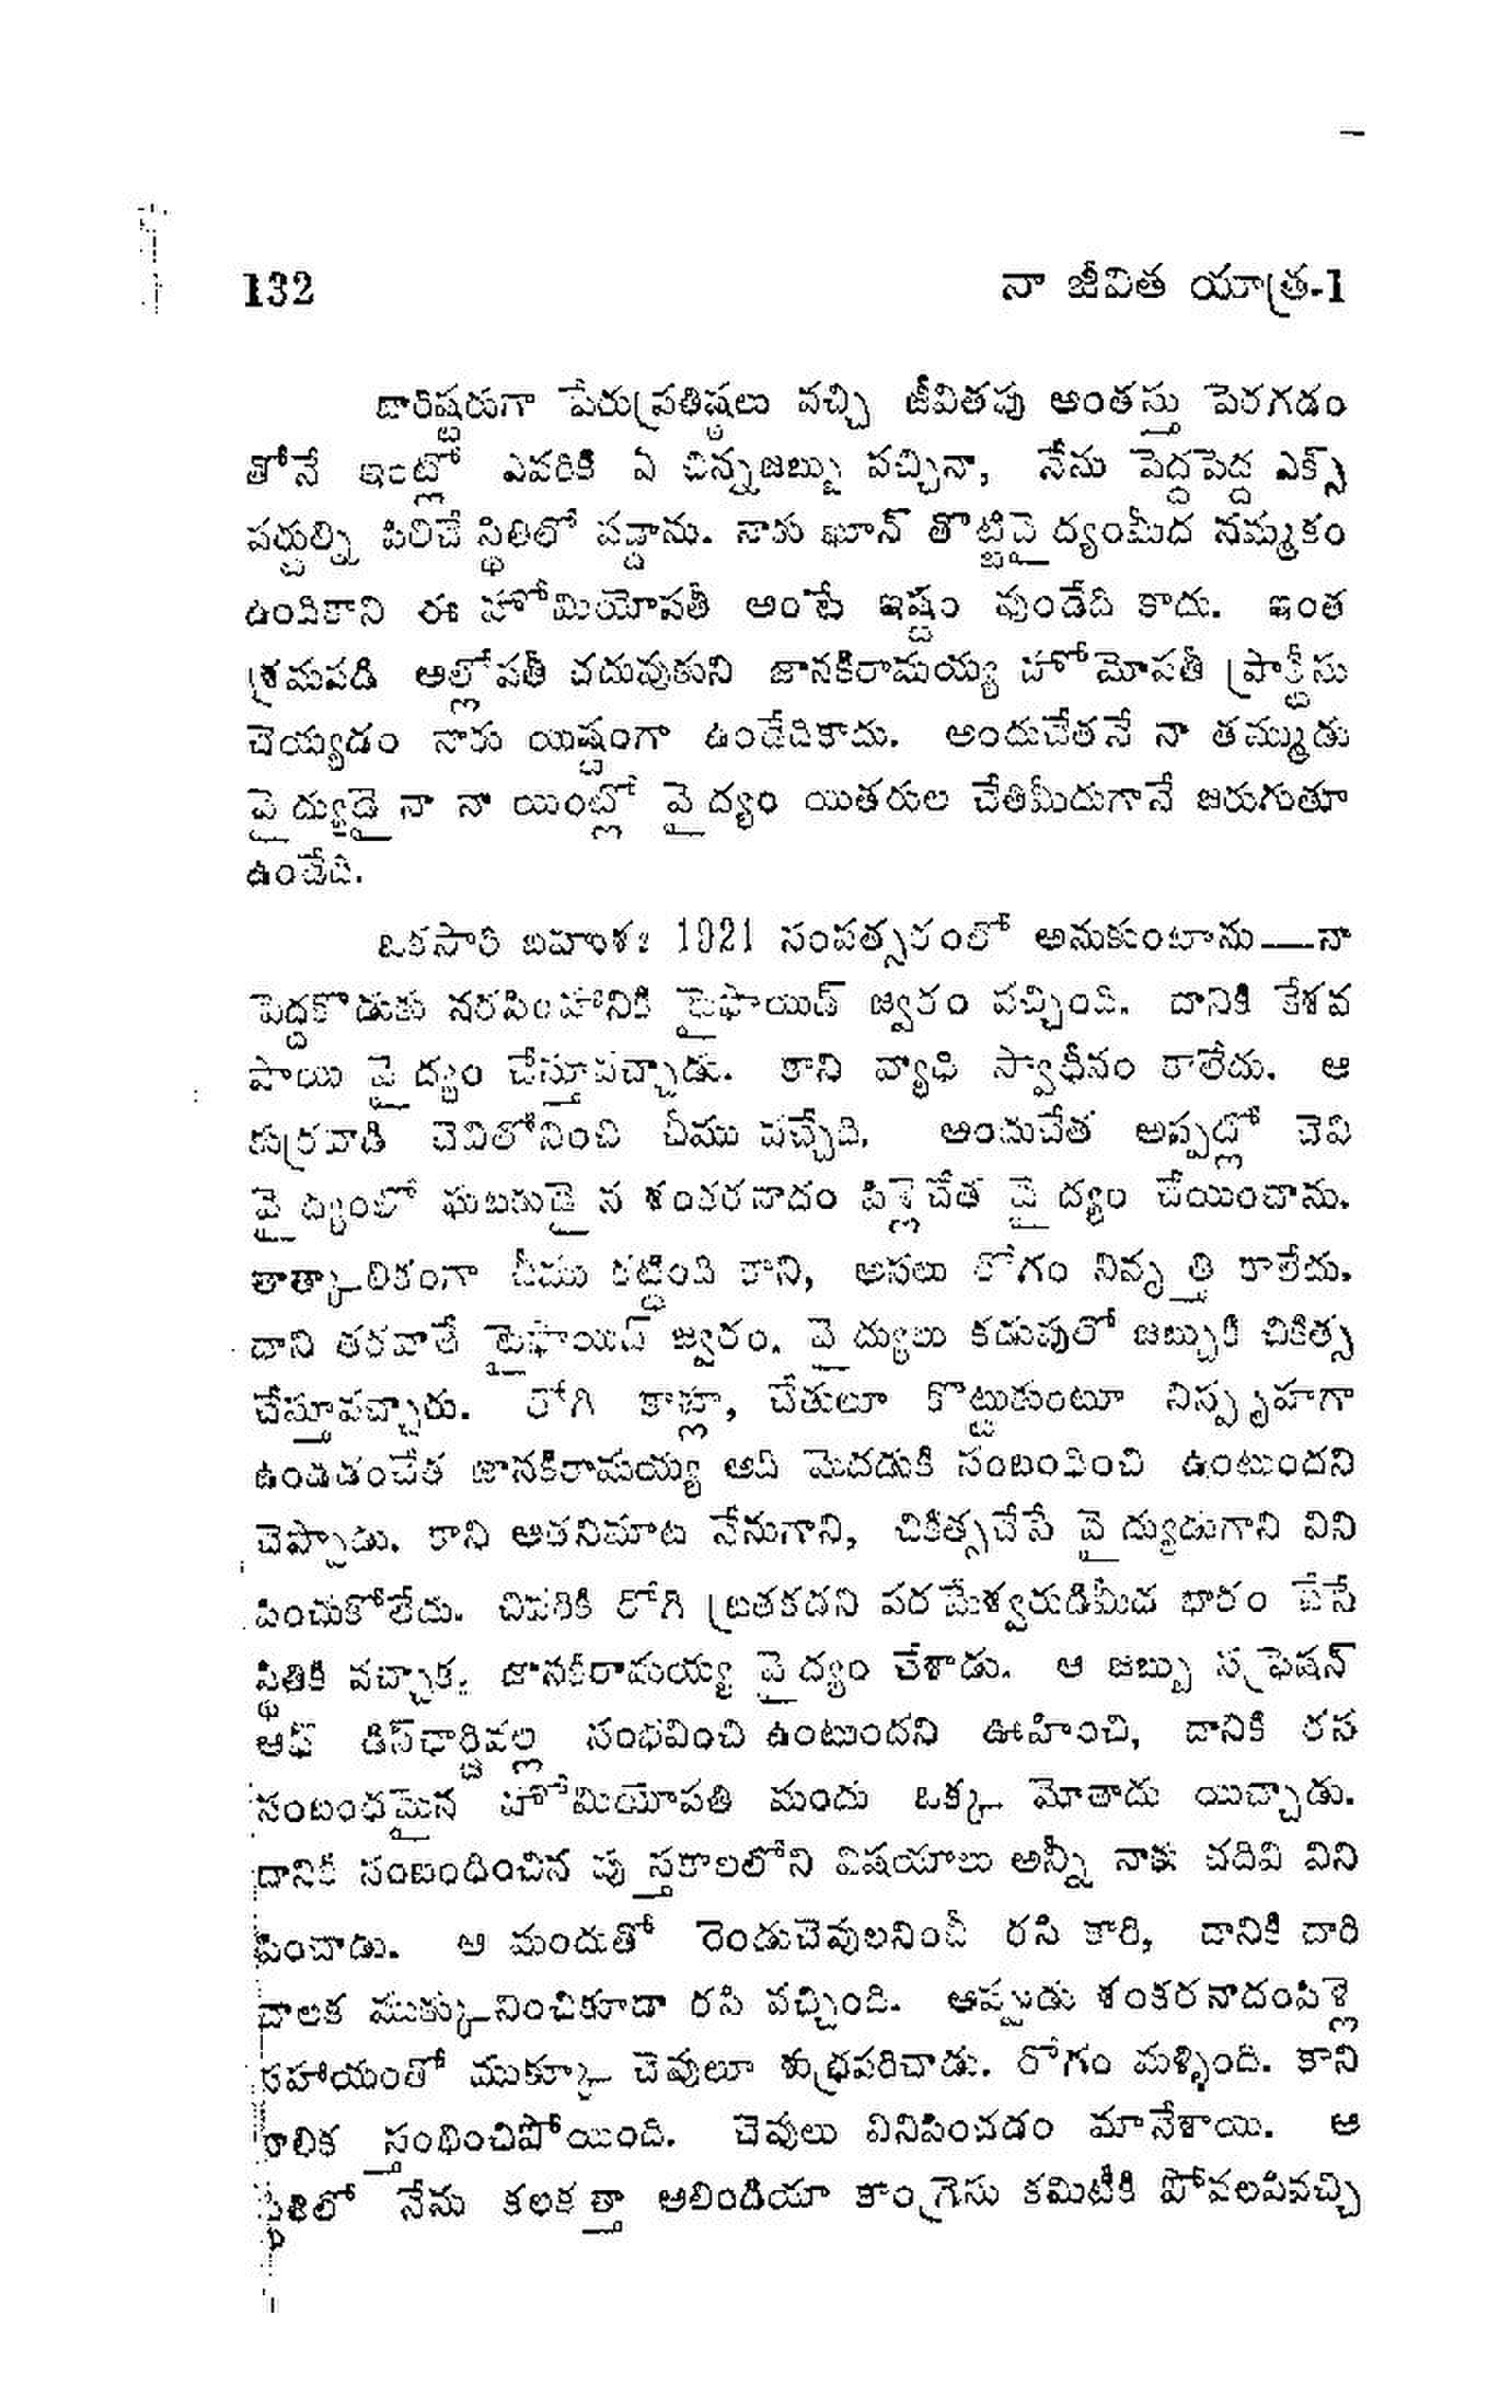బారిష్టరుగా పేరుప్రతిష్ఠలు వచ్చి జీవితపు అంతస్తు పెరగడంతోనే ఇంట్లో ఎవరికి ఏ చిన్నజబ్బు వచ్చినా, నేను పెద్దపెద్ద ఎక్స్‌పర్టుల్ని పిలిచే స్థితిలో పడ్డాను. నాకు ఖూన్ తొట్టివైద్యంమీద నమ్మకం ఉందికాని ఈ హోమియోపతీ అంటే ఇష్టం వుండేది కాదు. ఇంత శ్రమపడి అల్లోపతీ చదువుకుని జానకిరామయ్య హోమోపతీ ప్రాక్టీసు చెయ్యడం నాకు యిష్టంగా ఉండేదికాదు. అందుచేతనే నా తమ్ముడు వైద్యుడైనా నా యింట్లో వైద్యం యితరుల చేతిమీదుగానే జరుగుతూ ఉండేది.

ఒకసారి బహుశ: 1921 సంవత్సరంలో అనుకుంటాను - నా పెద్దకొడుకు నరసింహానికి టైఫాయిడ్ జ్వరం వచ్చింది. దానికి కేశవపాయి వైద్యం చేస్తూవచ్చాడు. కాని వ్యాధి స్వాధీనం కాలేదు. ఆ కుర్రవాడి చెవిలోనించి చీము వచ్చేది, అందుచేత అప్పట్లో చెవి వైద్యంలో ఘటకుడైన శంకరనాదం పిళ్లెచేత వైద్యం చేయించాను. తాత్కాలికంగా చీము కట్టింది కాని, అసలు రోగం నివృత్తి కాలేదు. దాని తరవాతే టైఫాయిడ్ జ్వరం. వైద్యులు కడుపులో జబ్బుకి చికిత్స చేస్తూవచ్చారు. రోగి కాళ్లూ, చేతులూ కొట్టుకుంటూ నిస్పృహగా ఉండడంచేత జానకిరామయ్య అది మెదడుకి సంబంధించి ఉంటుందని చెప్పాడు. కాని అతనిమాట నేనుగాని, చికిత్సచేసే వైద్యుడుగాని వినిపించుకోలేదు. చివరికి రోగి బ్రతకడని పరమేశ్వరుడిమీద భారం వేసే స్థితికి వచ్చాక, జానకిరామయ్య వైద్యం చేశాడు. ఆ జబ్బు సప్రెషన్ ఆఫ్ డిస్‌ఛార్జివల్ల సంభవించి ఉంటుందని ఊహించి, దానికి రస సంబంధమైన హోమియోపతి మందు ఒక్క మోతాదు యిచ్చాడు. దానికి సంబంధించిన పుస్తకాలలోని విషయాలు అన్నీ నాకు చదివి వినిపించాడు. ఆ మందుతో రెండుచెవులనించీ రసి కారి, దానికి దారి చాలక ముక్కునించికూడా రసి వచ్చింది. అప్పుడు శంకరనాదంపిళ్లె సహాయంతో ముక్కూ చెవులూ శుభ్రపరిచాడు. రోగం మళ్ళింది. కాని నాలిక స్తంభించిపోయింది. చెవులు వినిపించడం మానేశాయి. ఆ స్థితిలో నేను కలకత్తా ఆలిండియా కాంగ్రెసు కమిటీకి పోవలసివచ్చి